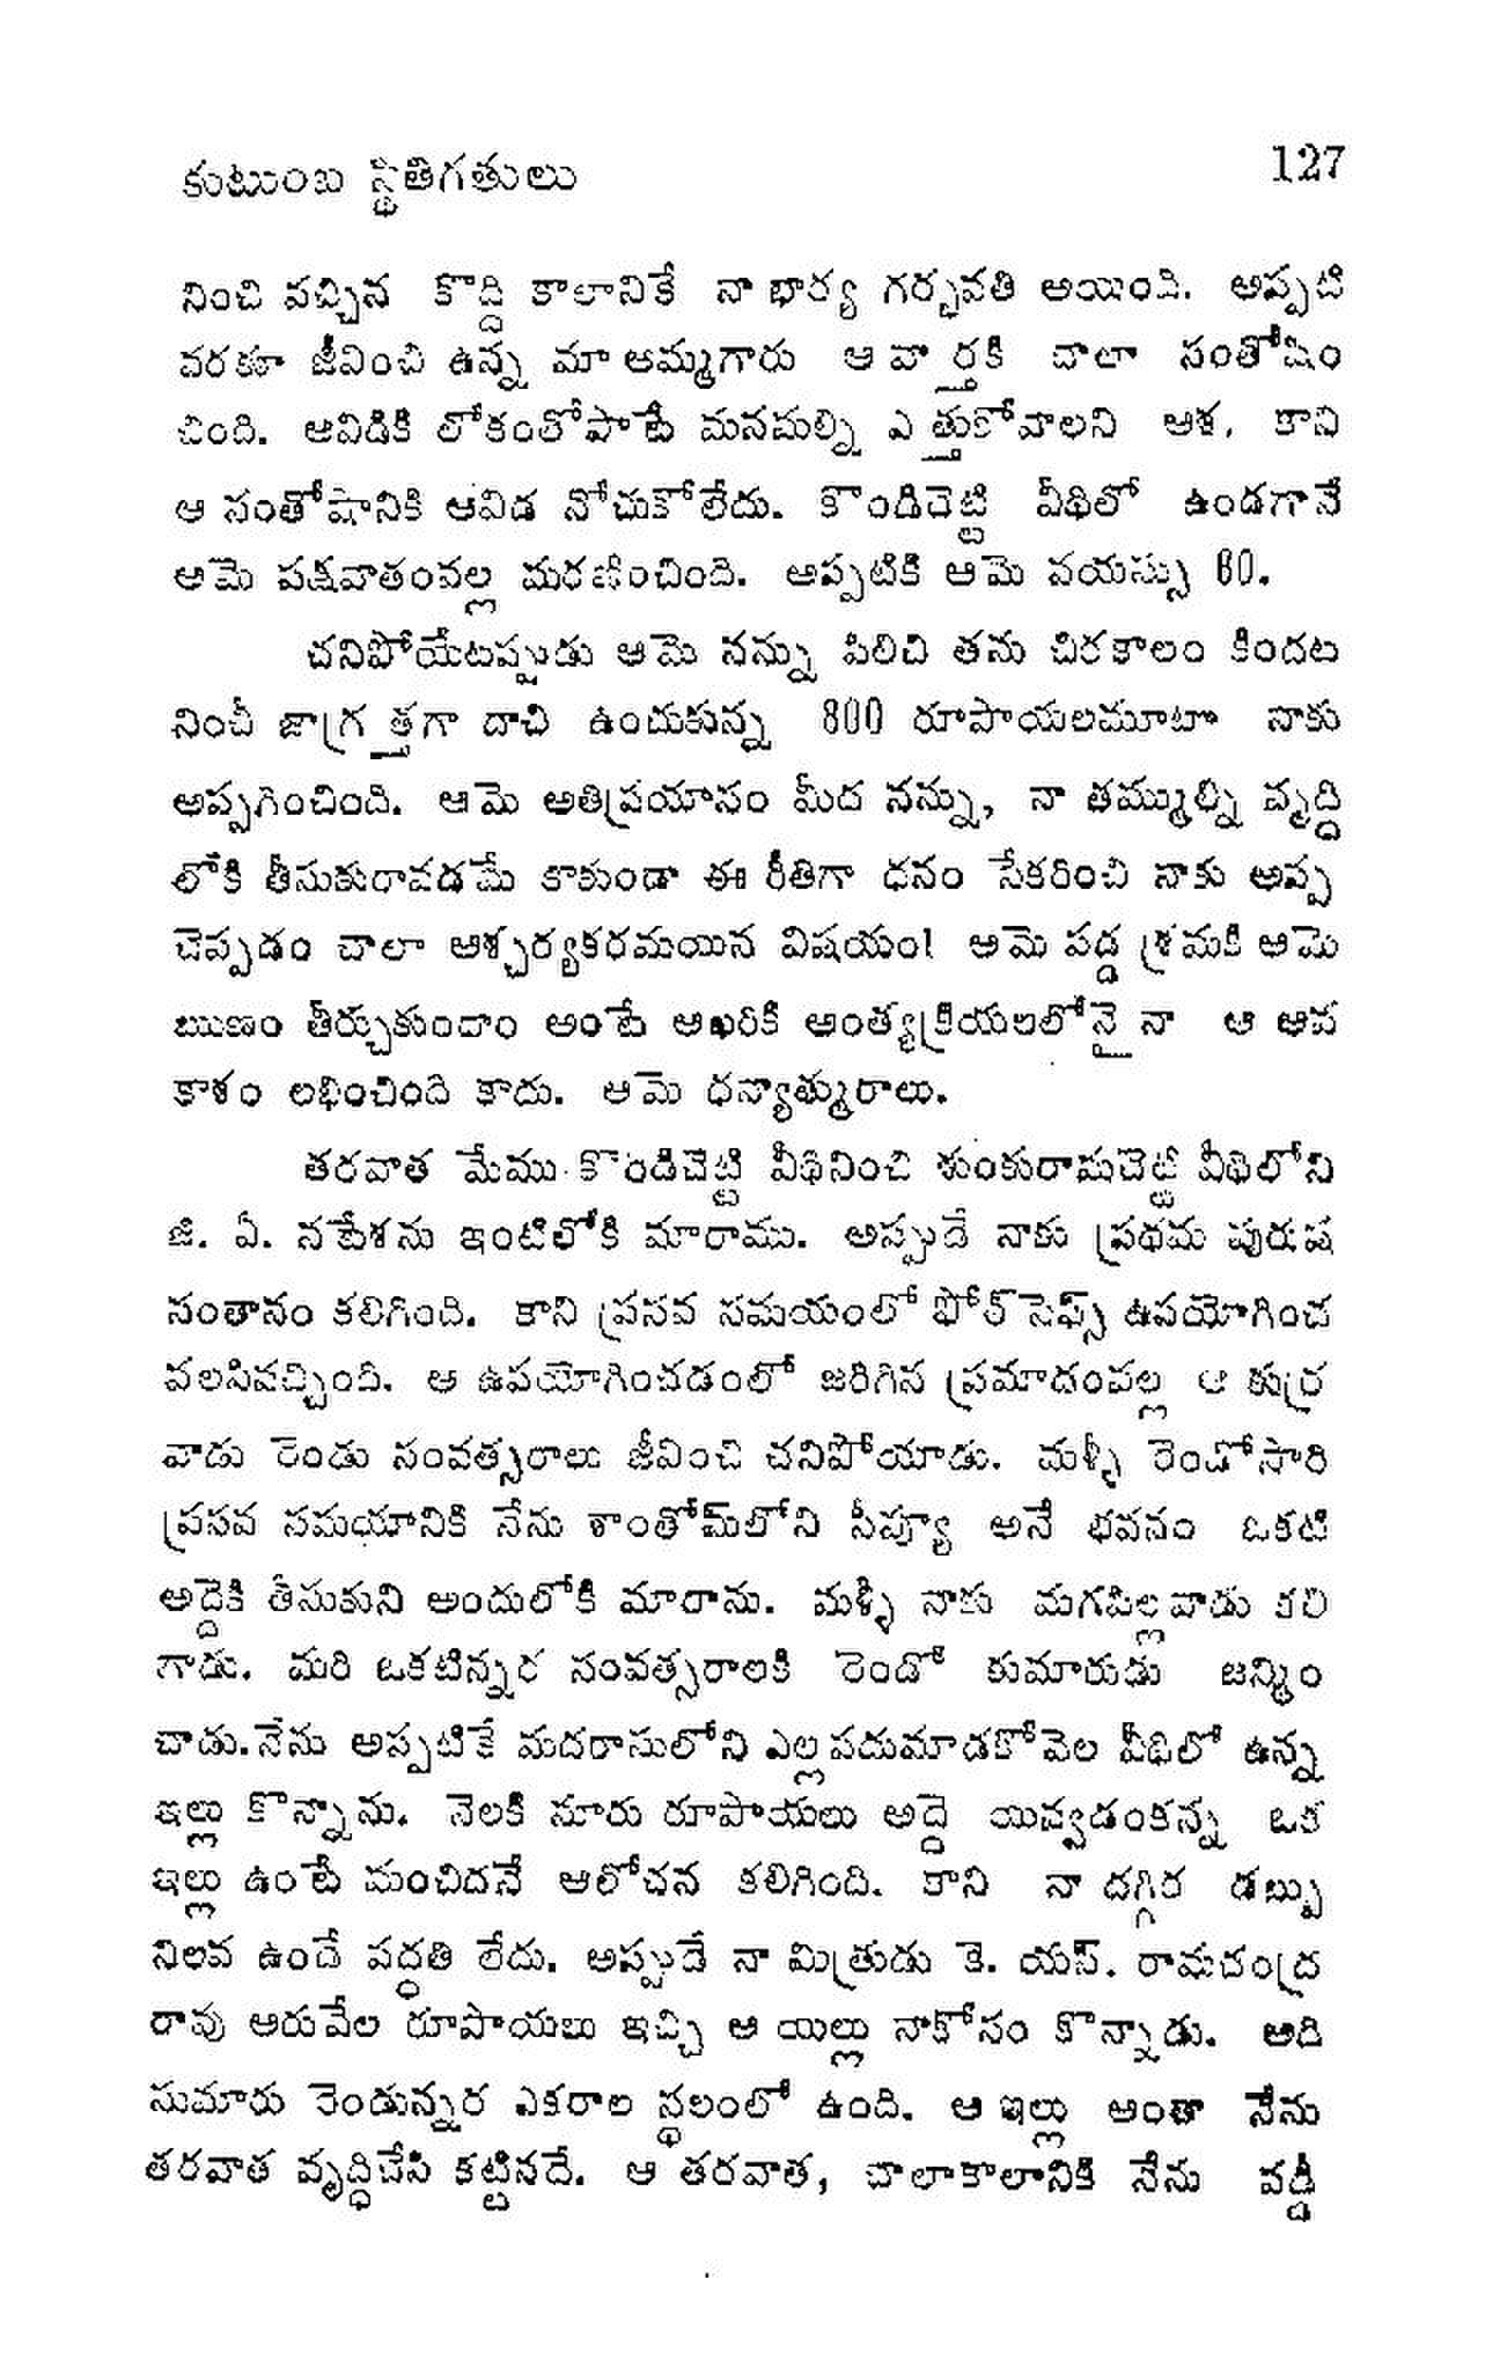నించి వచ్చిన కొద్ది కాలానికే నా భార్య గర్భవతి అయింది. అప్పటి వరకూ జీవించి ఉన్న మా అమ్మగారు ఆ వార్తకి చాలా సంతోషించింది. ఆవిడకి లోకంతోపాటే మనమల్ని ఎత్తుకోవాలని ఆశ. కాని ఆ సంతోషానికి ఆవిడ నోచుకోలేదు. కొండిచెట్టి వీథిలో ఉండగానే ఆమె పక్షవాతంవల్ల మరణించింది. అప్పటికి ఆమె వయస్సు 60.

చనిపోయేటప్పుడు ఆమె నన్ను పిలిచి తను చిరకాలం కిందటనించీ జాగ్రత్తగా దాచి ఉంచుకున్న 800 రూపాయలమూటా నాకు అప్పగించింది. ఆమె అతిప్రయాసం మీద నన్ను, నా తమ్ముల్ని వృద్ధిలోకి తీసుకురావడమే కాకుండా ఈ రీతిగా ధనం సేకరించి నాకు అప్పచెప్పడం చాలా ఆశ్చర్యకరమయిన విషయం! ఆమె పడ్డ శ్రమకి ఆమె ఋణం తీర్చుకుందాం అంటే ఆఖరికి అంత్యక్రియలలోనైనా ఆ అవకాశం లభించింది కాదు. ఆమె ధన్యాత్మురాలు.

తరవాత మేము కొండిచెట్టి వీథినించి శుంకురామచెట్టి వీథిలోని జి. ఏ. నటేశను ఇంటిలోకి మారాము. అప్పుడే నాకు ప్రథమ పురుష సంతానం కలిగింది. కాని ప్రసవ సమయంలో ఫోర్‌సెఫ్స్ ఉపయోగించ వలసివచ్చింది. ఆ ఉపయోగించడంలో జరిగిన ప్రమాదంవల్ల ఆ కుర్రవాడు రెండు సంవత్సరాలు జీవించి చనిపోయాడు. మళ్ళీ రెండోసారి ప్రసవ సమయానికి నేను శాంతోమ్‌లోని సీవ్యూ అనే భవనం ఒకటి అద్దెకి తీసుకుని అందులోకి మారాను. మళ్ళీ నాకు మగపిల్లవాడు కలిగాడు. మరి ఒకటిన్నర సంవత్సరాలకి రెండో కుమారుడు జన్మించాడు. నేను అప్పటికే మదరాసులోని ఎల్లపదుమాడకోవెల వీథిలో ఉన్న ఇల్లు కొన్నాను. నెలకి నూరు రూపాయలు అద్దె యివ్వడంకన్న ఒక ఇల్లు ఉంటే మంచిదనే ఆలోచన కలిగింది. కాని నా దగ్గిర డబ్బు నిలవ ఉండే పద్ధతి లేదు. అప్పుడే నా మిత్రుడు కె. యస్. రామచంద్రరావు ఆరువేల రూపాయలు ఇచ్చి అ యిల్లు నాకోసం కొన్నాడు. అది సుమారు రెండున్నర ఎకరాల స్థలంలో ఉంది. ఆ ఇల్లు అంతా నేను తరవాత వృద్ధిచేసి కట్టినదే. ఆ తరవాత, చాలాకాలానికి నేను వడ్డీ